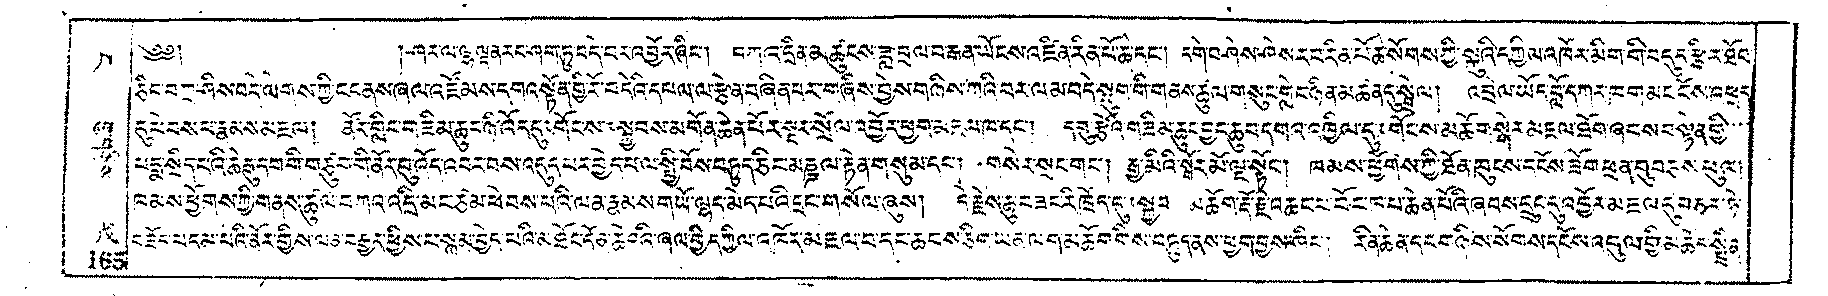༄༅། །ཤར་ལ་ལྷ་ལྡན་རང་ཤག་ཏུ་བདེ་བར་འབྱོར་ཞིང་། བཀའ་དྲིན་མཚུངས་ཟླ་བྲལ་བ་རྒན་ཡོངས་འཛིན་རིན་པོ་ཆེ་དང་། དགེ་བཤེས་ཤེས་རབ་རིན་པོ་ཆེ་སོགས་ཀྱི་སྐུའི་དཀྱིལ་འཁོར་མིག་གི་བདུད་རྩིར་ཐོབ་
ཅིང་བཀྲ་ཤིས་བདེ་ལེགས་ཀྱི་ངང་ནས་ཞལ་འཛོམས་དགའ་སྟོན་གྱི་རོ་བདེའི་དཔལ་ལ་རྩེན་བཞིན་པར་གཞིས་བྱེས་གཉིས་གའི་བར་ལམ་བདེ་སྡུག་གི་གནས་ཚུལ་གསུང་གླེང་ཉིན་མཚན་དུ་སྦྲེལ། འབྲེལ་ཡོད་བློ་དཀར་ཁག་མང་ངོས་འཕྲད་
དུ་ཕེབས་པ་རྣམས་མཇལ། ནོར་གླིང་གཟིམ་ཆུང་ཉི་འོད་དུ་༧་གོང་ས་༧་སྐྱབས་མགོན་ཆེན་པོར་སྔར་སྲོལ་འབྱོར་ཕྱག་མཇལ་ཁ་དང་། དབུ་རྩེའི་གཟིམ་ཆུང་བྱང་ཆུབ་དགའ་འཁྱིལ་དུ་༧་གོང་ས་མཆོག་སྒེར་མཇལ་ཐོག་ཞབས་བསྟེན་གྱི་
པདམ་སྲིད་པའི་ཆེ་རྒུ་དག་གི་གཙུག་གི་ནོར་བུ་འོད་འབར་བས་འདུད་པར་བྱེད་པ་ལ་སྤྱི་བོས་བཏུད་ཅིང་མཎྜལ་རྟེན་གསུམ་དང་། གསེར་སྲང་གང་། རྒྱ་མིའི་སྒོར་མོ་ལྔ་སྟོང་། ཁམས་ཕྱོགས་ཀྱི་ཐོན་ཁུངས་དངོས་ཟོག་ཕྲན་བུ་བཅས་ཕུལ།
ཁམས་ཕྱོགས་ཀྱི་གནས་ཚུལ་བཀའ་འདྲི་མང་ཙམ་ཕེབས་པའི་ལན་རྣམས་གཡོ་ལྷད་མེད་པའི་དྲང་གསོལ་ཞུས། དེ་རྗེས་ཆུ་བཟང་རི་ཁྲོད་དུ་༧་སྐྱབ་མཆོག་རྡོ་རྗེ་འཆང་པ་བོང་ཁ་པ་ཆེན་པོའི་ཞབས་དྲུང་དུ་འབྱོར་མཇལ་དུ་བཅར་ཏེ་
བཟོད་པ་དམ་པའི་ནོར་གྱིས་ལན་བརྒྱར་ཕྱིས་པ་སྙམ་བྱེད་པའི་མཐོང་དོན་ཆེ་བའི་ཞལ་གྱི་དཀྱིལ་འཁོར་མཇལ་བ་དང་ཆབས་ཅིག་ཡན་ལག་མཆོག་གིས་བཏུད་ནས་ཕྱག་བྱས་ཤིང་། རིན་ཆེན་དང་གཉིས་སོགས་དངོས་འབུལ་གྱི་མཆོད་སྤྲིན་